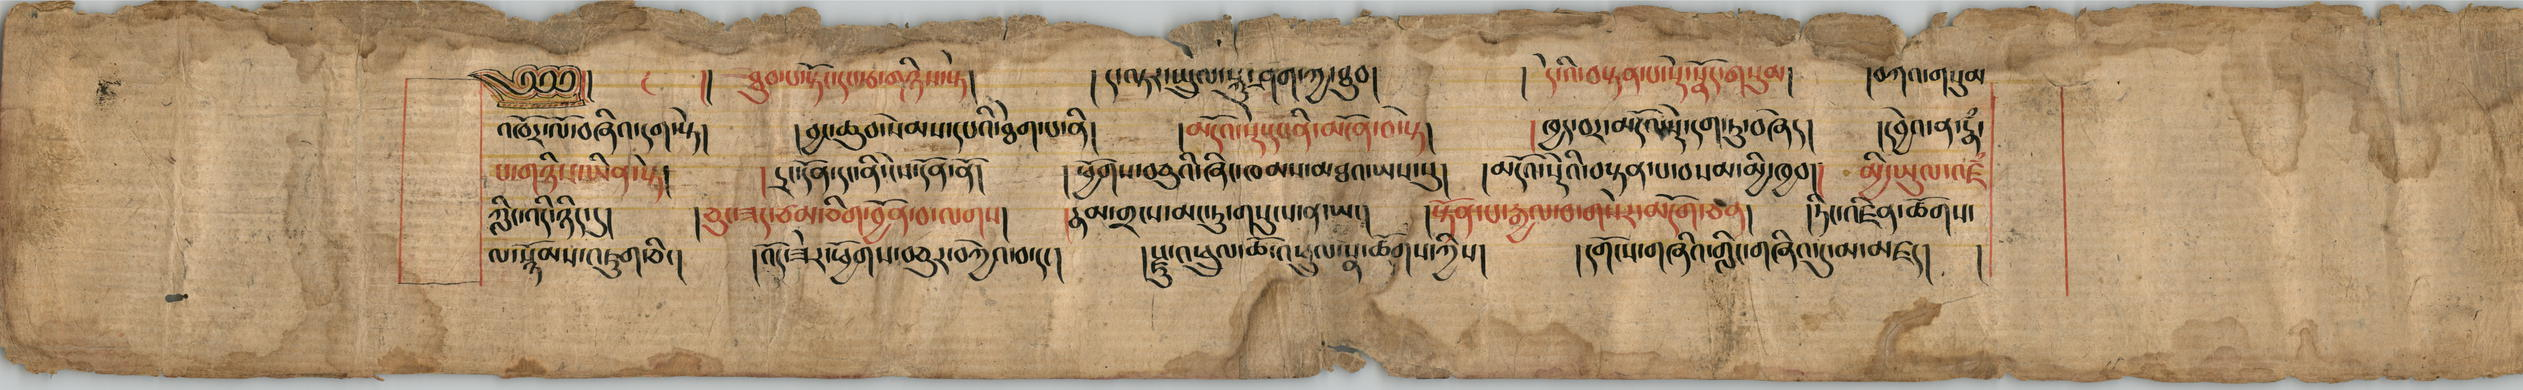༄༅༅།། ༑ །། ཐུབ་པ་སྟོང་དང་རྩ་གཉིས་སྟེ། ། ད་ལྟར་སྤྲུལ་སྐུ་ཤག་ཀྱ་ཐུབ། ། དེ་འི་བསྟན་པ་སྡེ་སྣོད་གསུམ། །བཀའ་གསུམ
འཁོར་ལོ་བཞིའ་དག་སྟེ། །བྱང་ཆུབ་སེམས་དཔའི་ཐེག་པ་ནི། །མདོའ་སྡེ་དང་ནི་མངོན་བ་སྟེ། །ཁྱད་བར་མདོའ་སྡེ་དག་ཏུ་བཞེད། །དབྱེའ་ན་རྣཾ་
པ་གཉིས་ཡིན་སྟེ། །དྲང་དོན་ངེས་དོན་ནོ། །ཕྱོགས་བཅུའི་ཞིང་ཁམས་མཐའ་ཡས་སུ། །མདོའ་སྡེའི་བསྟན་པ་བསམ་མི་ཁྱབ།། མྱི་ཡུལ་འཛཾ
ཀླིང་འདི་ཉིད་དུ། །ཅུང་ཟད་ཙམ་ཅིག་བྱོན་བ་ལགས། །རྣམ་གྲངས་མང་ཏུ་གསུངས་ན་ཡང། །སྟོན་པ་རྒྱལ་བ་གསེར་མདོག་ཅན། །ཏིང་འཛིན་ཚོགས་
ལ་སྙོམས་འཇུག་ཅིང། །འོད་ཟེར་ཕྱོགས་བཅུར་བཀྱེའ་བ་དང། །སྫུ་འཕྲུལ་ཆོ་འཕྲུལ་སྣ་ཚོགས་ཀྱིས། །དགོངས་གཞིའ་གླིང་གཞིའ་དུ་མ་མཛད། །